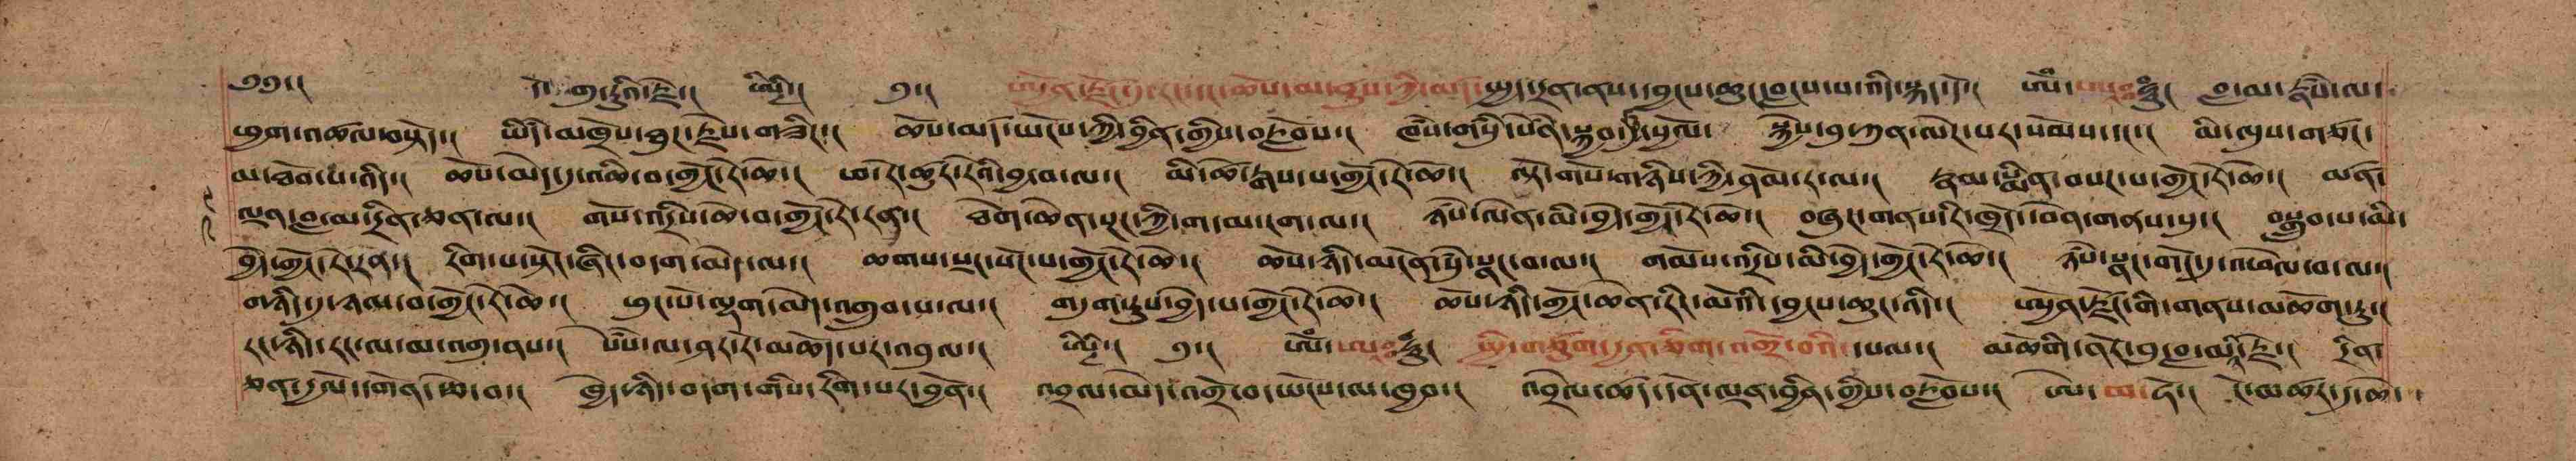༄༅་། དོ་གུ་རུའི་རྗེ། ཨིཊི། ༄་། ཨོ་རྒྱན་རྫོང་དུ་རང་དང་ཆོས་མ་ནུས་ཀྱི་མཛད་སྤྱད་དྲན་ནས་དབྱངས་ཆུང་བླངས་པ་འདི་སྐད་དོ། ཨོཾ་ཨཿཧཱུཾ། བླ་མ་རྣམས་ལ་
ཕྱག་འཚལ་བསྟོད། ཡིད་དམ་མཁའ་འགྲོས་ཐུགས་རྗེས་གཟིགས། ཆོས་མཛད་ཡོངས་ཀྱི་བྱིན་གྱིས་བརློབས། ཁམས་གསུམ་སེམས་ཅན་སྐྱབ་དུ་གསོལ། སྐྱེས་བུ་ཀུན་ལེགས་པར་སེམས་དང་། མི་ལུས་གཙང་
མ་ཐོབ་པ་འདི། ཆོས་མེད་དུ་འཆི་བ་གྱོང་རེ་ཆེ། ཕ་རེ་ཚུར་རེའི་བྱ་བ་ལ། མི་ཚེ་རྒས་པ་གྱོང་རེ་ཆེ། ལྟོ་གོས་གཉིས་ཀྱི་ཤོམ་ར་ལ། རྣམ་སྨིན་བསགས་པ་གྱོང་རེ་ཆེ། མཚན་
ལྡན་བླ་མ་དྲིན་ཅན་ལ། གོས་འདྲིས་ཆེ་བ་གྱོང་རེ་ངན། ཐེག་ཆེན་སྔགས་ཀྱི་གདམ་ངག་ལ། ཉམས་ལེན་མི་བྱེད་གྱོང་རེ་ཆེ། བཞུགས་གནས་རི་ཁྲོད་དབེན་གནས་སུ། བསྒྲུབ་པ་མི་
བྱེད་གྱོང་རེ་རན། རིག་པ་སྟོང་ཞིང་བདག་མེད་ལ། ཆགས་སྡང་སོང་པ་གྱོང་རེ་ཆེ། ཆོས་ཉིད་མངོན་སུམ་སྣང་བ་ལ། གོམས་འདྲིས་མི་བྱེད་གྱོང་རེ་ཆེ། ཉམས་སྣང་གོང་དུ་འཕེལ་བ་ལ། 
གཉིས་དུ་ཉལ་བ་གྱོང་རེ་ཆེ། ཕུང་པོ་ལྷག་མེད་འགྲུབ་པ་ལ། གདུག་རུས་བྱེད་པ་གྱོང་རེ་ཆེ། ཆོས་ཉིད་གྱོང་ཆེན་རིང་མོའི་དབྱངས་ཆུང་འདི། ཨོ་རྒྱན་རྫོང་གི་གནས་མཆོག་ཏུ། 
རང་ཉིད་རང་ལ་མ་འགུ་ནས། སེམས་ལ་ཤར་རོ་མཆོད་པར་འབུལ། ཨིཊི། ༄་། ཨོཾ་ཨཿཧཱུཾ། སྤྱི་གཙུག་རྒྱན་ཅིག་འགྲོ་བའི་དཔལ། མཆོག་གི་ནོར་བུ་བླ་མའི་རྗེ། དྲིན་
ཅན་རྒྱལ་པོ་དགོན་རྩེ་བ། ཁྱེད་ཉིད་བདག་གིས་རིག་པར་བྱོན། འབྲལ་མེད་འགྲོ་བ་ཡོངས་ལ་ཁྱབ། འབྲེལ་ཚད་དོན་དང་བྱིན་གྱིས་བརློབས། ཨེ་མ་ཧོ། ངོ་མཚར་དུ་ཆེ་